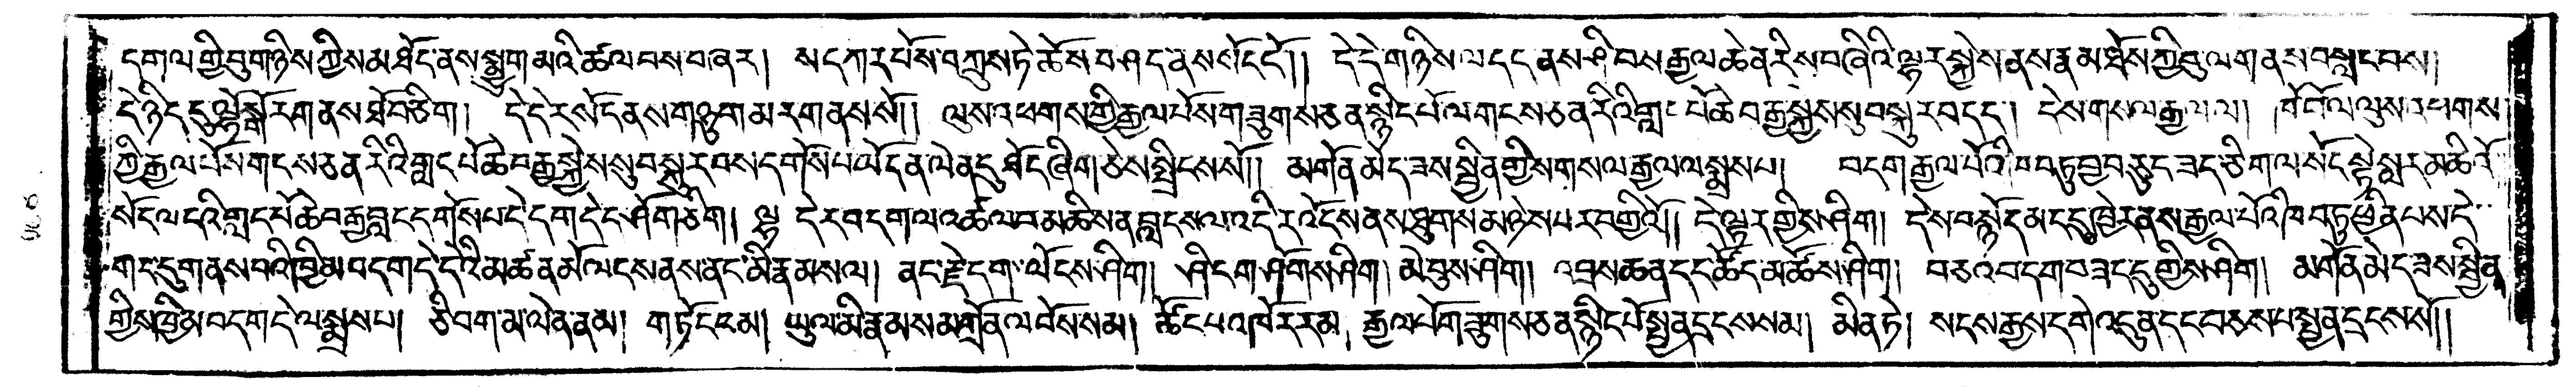དགལ་གྱི་བུ་གཉིས་ཀྱིས་མཐོང་ནས་སྨྱུག་མའི་ཚལ་བས་བཞར། ས་དཀར་པོས་བཀྲུས་ཏེ་ཆོས་བཤད་ནས་སོང་ངོ།། དེ་དེ་གཉིས་ལ་དད་ནས་ཤི་བས་རྒྱལ་ཆེན་རིས་བཞིའི་ལྷར་སྐྱེས་ནས་རྣམ་ཐོས་ཀྱི་བུ་ལག་ནས་བསླང་བས།
དེ་ཉིད་དུ་ལྷོ་སྒོར་གནས་ཐོབ་ཅིག། དེ་དེར་སོང་ནས་གཉུག་མར་གནས་སོ།། ལུས་འཕགས་གྱི་རྒྱལ་པོས་གཟུགས་ཅན་སྙིང་པོ་ལ་གངས་ཅན་རིའི་གླང་པོ་ཆེ་བརྒྱ་སྐྱེས་སུ་བསྐུར་བ་དང་། དེས་གསལ་རྒྱལ་ལ། ཁོ་བོ་ལ་ལུས་འཕགས་
ཀྱི་རྒྱལ་པོས་གངས་ཅན་རིའི་གླང་པོ་ཆེ་བརྒྱ་སྐྱེས་སུ་བསྐུར་བས་དགོས་པ་ཡོད་ན་ལེན་དུ་ཐོང་ཞིག་ཅེས་སྤྲིངས་སོ།། མགོན་མེད་ཟས་སྦྱིན་གྱིས་གསལ་རྒྱལ་ལ་སྨྲས་པ། བདག་རྒྱལ་པོའི་ཁབ་ཏུ་བྱ་བཅུང་ཟད་ཅིག་ལ་སོང་སྟེ་སླར་མཆིའོ་
སོང་ལ་ངའི་གླང་པོ་ཆེ་བརྒྱ་བླང་དགོས་པ་དེ་དག་དེད་ཤོ་གཅིག། ལྷ་དེར་བདག་ལ་འཚལ་བ་མཆིས་ན་བླངས་ལ་འདིར་འོངས་ནས་ཐུགས་མཉེས་པར་བགྱིའོ།། དེ་ལྟར་གྱིས་ཤིག། དེས་བསྙོད་མང་དུ་ཁྱེར་ནས་རྒྱལ་པོའི་ཁབ་ཏུ་ཕྱིན་པས་དེ་
གང་དུ་གནས་པའི་ཁྱིམ་བདག་དེ་དེའི་མཚན་མོ་ལངས་ནས་ནང་མི་རྣམས་ལ། ནང་རྗེ་དག་ལོངས་ཤིག། ཤིང་གཤོགས་ཤིག། མེ་བུས་ཤིག། འབྲས་ཆན་དང་ཚོད་མ་ཚོས་ཤིག། བཅའ་བདག་བཟང་དུ་གྱིས་ཤིག། མགོན་མེད་ཟས་སྦྱིན་
གྱིས་ཁྱིམ་བདག་དེ་ལ་སྨྲས་པ། ཅི་བག་མ་ལེན་ནམ། གཏོང་འམ། ཡུལ་མི་རྣམས་མགྲོན་ལ་བོས་སམ། ཚོངས་པ་འཁོར་རམ། རྒྱལ་པོ་གཟུགས་ཅན་སྙིང་པོ་སྤྱན་དྲངས་སམ། མིན་ཏེ། སངས་རྒྱས་དགེ་འདུན་དང་བཅས་པ་སྤྱན་དྲངས་སོ།།